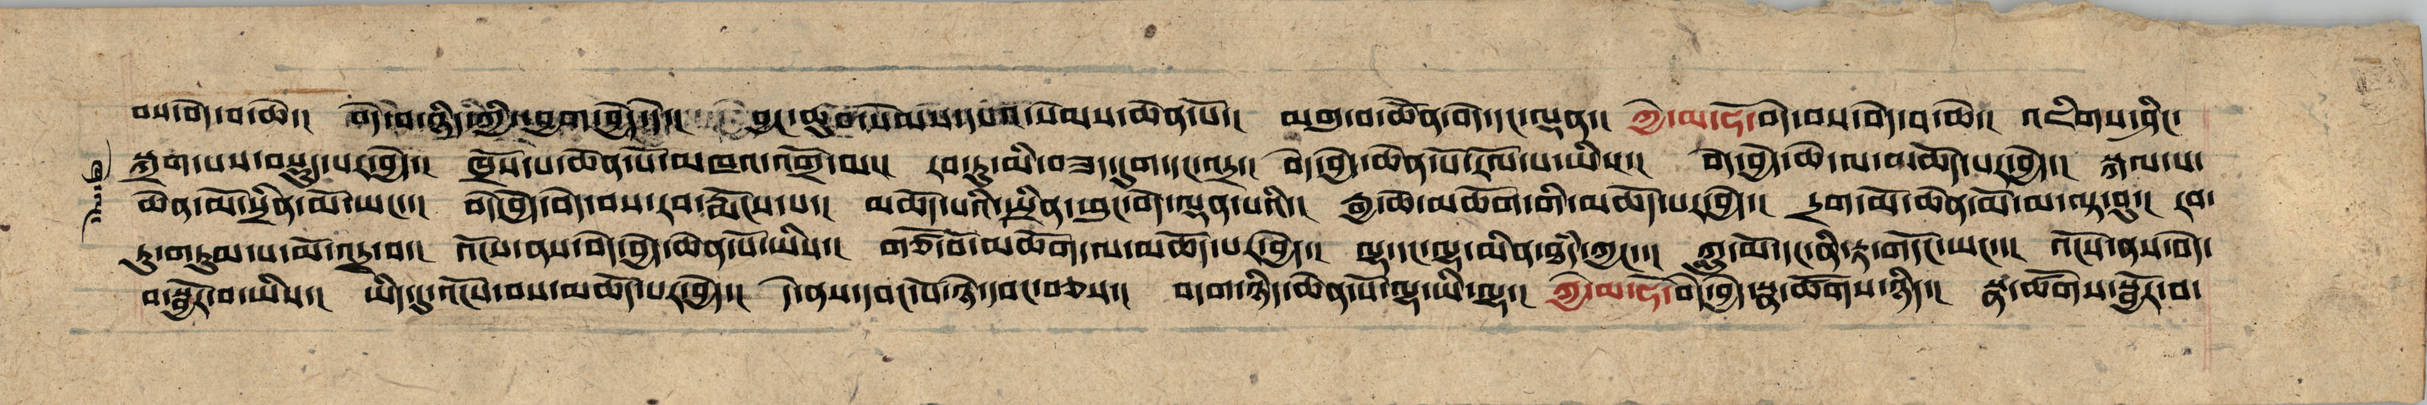བས་བདེ་བ་ཆེ་། བདེ་བ་ཉིད་ཀྱི་ཕྱག་བྱེད་དེ་། བྱང་ཆུབ་སེམས་དཔས་སེམས་ཆེན་པོ་། མགུ་བ་ཆེནོ་བདེ་དང་ལྡན་། ཀྱེ་མ་ཧོ་བདེ་བས་བདེ་བ་ཆེ་། འཇིགས་ཤིང་
སྐྲག་པས་བསྡུད་པར་བྱེད་། ཁྲོས་པ་ཆེན་པོ་མཁའ་གྲོ་མ་། རབ་ཏུ་མི་བཟད་དུག་དང་འདྲ་། བདེ་བྱེད་ཆེན་པོ་རོལ་པ་ཡིས་། བདེ་བྱེད་ཆེ་ལ་མཆོད་པར་བྱེད་། སྐལ་པ་
ཆེན་མོ་སྲིན་མོ་ཡང་་། བདེ་བྱེད་བདེ་བས་རབ་རྨོངས་པ་། མཆོད་པའི་སྤྲིན་ཕུང་བདེ་ལྡན་པའི་། རྒྱ་ཆེ་མཆོག་གི་མཆོད་པར་བྱེད་། དྲག་མོ་ཆེན་མོ་མ་ལྟ་བུ་། རབ་
ཏུ་གཏུམ་པ་མོ་འདྲ་བ་། འོངས་ནས་བདེ་བྱེད་ཆེན་པོ་ཡིས་། གཙོ་བོ་མཆོག་ལ་མཆོད་པར་བྱེད་། ལྷ་དང་ལྷ་མིན་ཐདཾ་ཀྱང་་། ཀླུ་མོ་དང་ནི་རྟ་གདོང་ཡང་་། འོངས་ནས་བདེ་
བ་སྦྱོར་བ་ཡིས་། ཡིད་དུ་འོངས་བས་མཆོད་པར་བྱེད་། དེ་ནས་དབང་པོ་ཉེ་དབང་བཅས་། བདག་ཉིད་ཆེན་པོ་ལྷ་ཡི་ལྷ་། ཀྱེ་མ་ཧོ་བདེ་བྱེད་སྣ་ཚོགས་ཉིད་། སྣ་ཚོགས་སྦྱོར་བ་